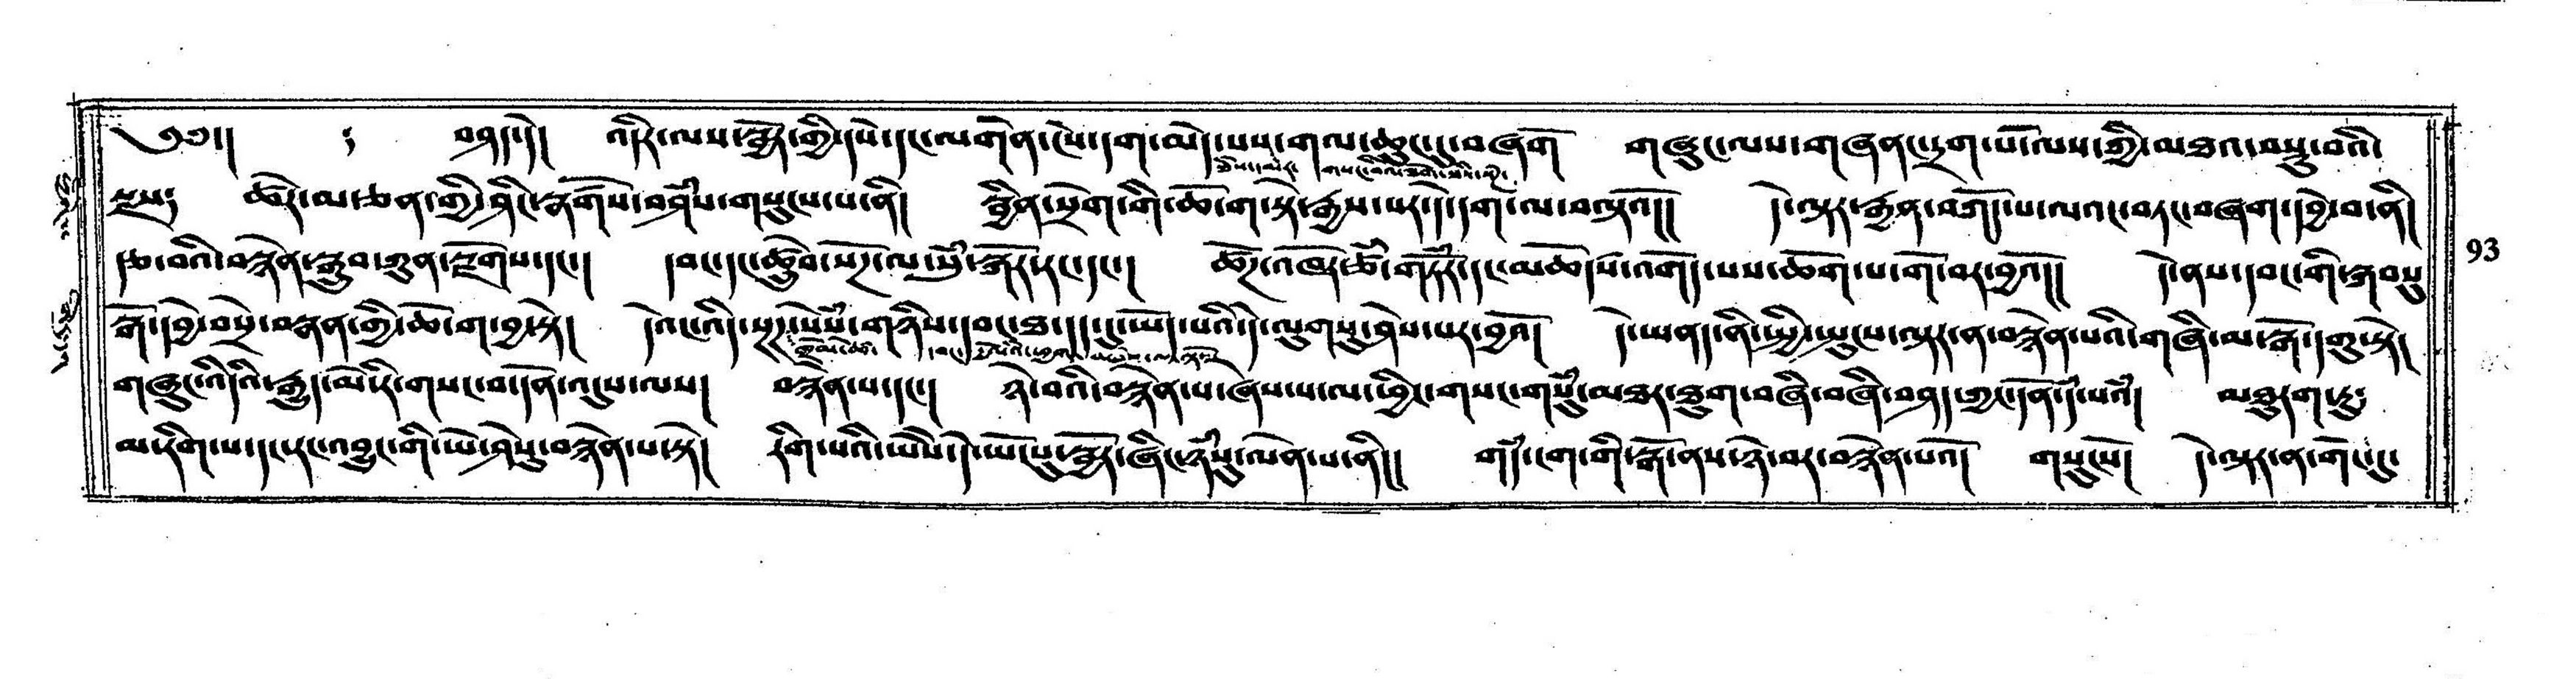བཤད་དེ། འདིར་ལས་སྦྱོར་གྱི་དཔེ་དང་ལག་ལེན་ངེས་དག་མེད་པས་(ཐིས་དམར་གསང་བའི་ཐོག་ཐིས་སོགས)གལ་ཆུང་དུ་བཞག་གོ གཞུང་ལས་གཞན་དྲག་པོ་ལས་ཀྱི་མཐའ་བསྡུ་བའི་
རྫས། ཚེར་མ་ཅན་གྱི་ཤིང་སྣ་ཚོགས་བཤམས་གསུངས་པ་ནི། སྦྱིན་སྲེག་གི་ཆོ་ག་སྟེ་རྒྱས་པར་དེ་དག་ལ་བལྟའོ།། དེ་ལྟར་རྒྱན་བཀོད་པ་ལའང་བཏང་བཞག་དབྱེ་བ་ནི། 
རྩ་བའི་བསྙེན་སྒྲུབ་ཀུན་རྫོགས་དང་། དབང་དང་ཚེ་སྒྲུབ་སོགས་ལ་སུམ་སྐོར་རང་དང་། ཚོགས་འཁོར་ཙམ་གཏོར་མ་དང་མཆོད་རྫས་འགོད་པས་ཆོག་པ་གོ་བར་བྱའོ།། དེ་ནས་དབང་གི་སྐབས་སུ་
སྒོ་དབྱེ་བསྲེ་བསྣན་གྱི་ཆོ་ག་བྱ་སྟེ། དེའང་འདི་སྔགས་(ཁྲོམ་ཚེ་དབང་རྒྱལ་པོའི་ཕྱག་མཚན་ལ་ལྟའོ)་སེམས་གཉིས་དབང་ཐ་དད་དུ་ཡོད་པའི་དེ་ལུགས་སུ་ཤེས་པར་བྱའོ། དེ་ཡན་ཆད་ནི་སྤྱི་སྤུངས་ལྟར་ན་བསྙེན་པའི་གཞི་མ་སྒོ་དགུ་སྟེ། 
གཞུང་འདིའི་རྒྱུད་མེ་རི་གསང་བ་དོན་འདུས་ལས། བསྙེན་པ་དང་། ཉེ་བའི་བསྙེན་པ་ཞེས་པ་ལ་ཕྱི་ནང་གསང་གསུམ་མཐར་ཐུག་བཞི་བཞི་བཤད་ཀྱང་དོན་དམ་པའམ། མཐར་ཐུག་ཏུ༴ 
མ་རིག་པ་དང་རང་འབྱུང་གི་ཡེ་ཤེས་སུ་བསྙེན་པ་སྟེ། རིག་པའི་ཡེ་ཤེས་དེ་ཡོངས་སུ་སྦྱོར་ཞིང་ཉམས་སུ་ལེན་པ་ནི།། གདམ་ངག་གི་སྒོ་ནས་ཉེ་བར་བསྙེན་པའོ། གསུངས་སོ། དེ་ལྟར་ན་གོང་དུ་